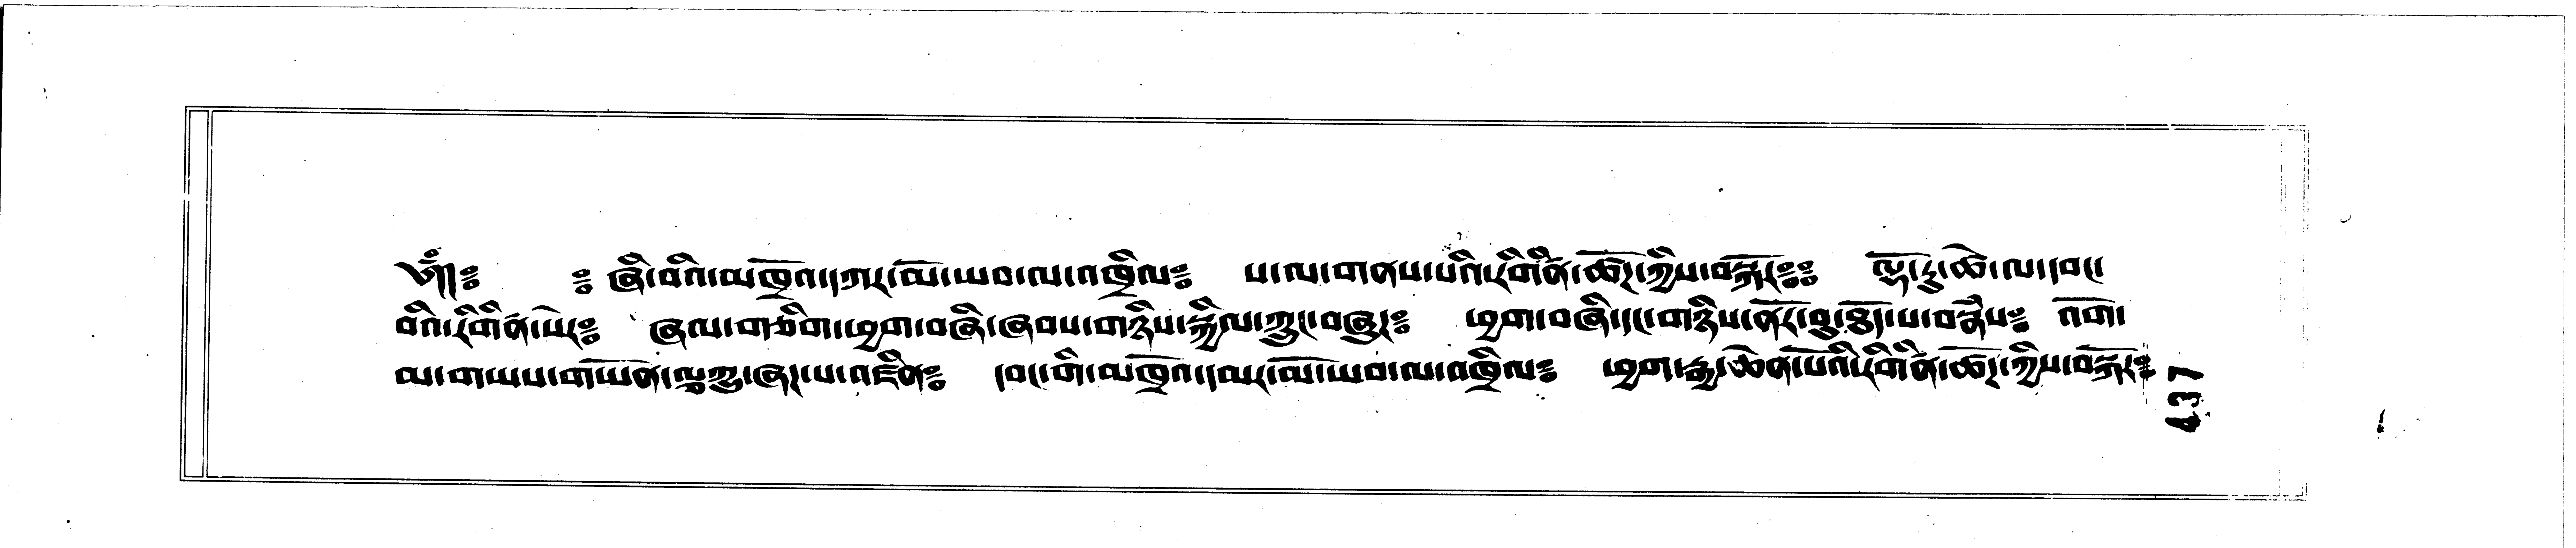༄༅།༔ཞི་བའི་མཁའ་འགྲོ་དཀར་མོ་ཡབ་ལ་འཁྲིལ༔ ས་ལ་གནས་པའི་རིག་འཛིན་ཚོགས་ཀྱིས་བསྐོར༔༔ལྷོ་རུ་ཚེ་ལ་དབང་
བའི་རིག་འཛིན་སོགས༔ཞལ་གཅིག་ཕྱག་བཞི་ཞབས་གཉིས་སྐྱིལ་ཀྲུང་ཞུགས༔ཕྱག་བཞི་དང་གཉིས་ནོར་བུ་ཐོད་པ་བསྣམས༔འོག་
མ་གཡས་གཡོན་ལྕགས་ཀྱུ་ཞགས་པ་འཛིན༔དབང་གི་མཁའ་འགྲོ་དམར་མོ་ཡབ་ལ་འཁྲིལ༔ཕྱག་རྒྱ་ཆེན་པོའི་རིག་འཛིན་ཚོགས་ཀྱིས་བསྐོར༔